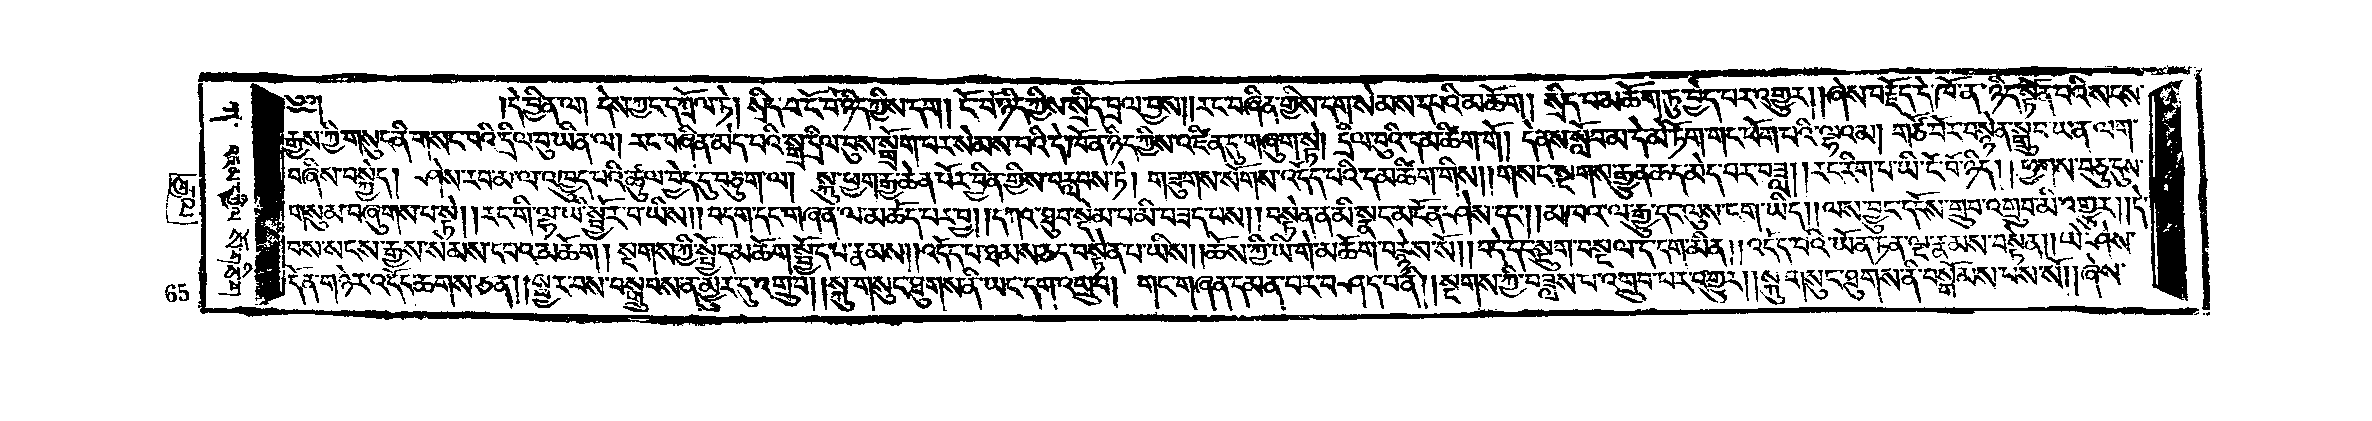༄༅། །དེ་བྱིན་ལ། དེས་ཀྱང་དཀྲོལ་ཏེ། སྲིད་པ་ངོ་བོ་ཉིད་ཀྱིས་དག །ངོ་བོ་ཉིད་ཀྱིས་སྲིད་བྲལ་བྱས། །རང་བཞིན་གྱིས་དག་སེམས་དཔའི་མཆོག །སྲིད་པ་མཆོག་ཏུ་བྱེད་པར་འགྱུར། །ཞེས་བརྗོད་དེ་ཁོ་ན་ཉིད་སྟོན་པའི་སངས་
རྒྱས་ཀྱི་གསུང་ནི་གསང་བའི་དྲིལ་བུ་ཡིན་ལ། རང་བཞིན་མེད་པའི་སྒྲ་དྲིལ་བུས་སྒྲོག་པར་སེམས་པའི་དེ་ཁོ་ན་ཉིད་ཀྱིས་འཛིན་དུ་གཞུག་སྟེ། དྲིལ་བུའི་དམ་ཚིག་གོ །དེ་ནས་སློབ་མ་དེ་མེ་ཏོག་གང་ཕོག་པའི་ལྷའམ། གཙོ་བོར་བསྙེན་སྒྲུབ་ཡན་ལག་
བཞིས་བསྐྱེད། ཤེས་རབ་མ་ལ་འཁྱུད་པའི་ཚུལ་བྱེད་དུ་བཅུག་ལ། སྐུ་ཕྱག་རྒྱ་ཆེན་པོར་བྱིན་གྱིས་བརླབས་ཏེ། གཟུགས་སོགས་འདོད་པའི་དམ་ཚིག་གིས། །གསང་སྔགས་རྒྱུན་ཆད་མེད་པར་བཟླ། །རང་རིག་པ་ཡི་ངོ་བོ་ཉིད། །ཕྱོགས་བཅུ་དུས་
གསུམ་བཞུགས་པ་སྟེ། །རང་གི་ལྷ་ཡི་སྦྱོར་བ་ཡིས། །བདག་དང་གཞན་ལ་མཆོད་པར་བྱ། །དཀའ་ཐུབ་སྡོམ?་པ་མི་བཟད་པས། །བསྟེན་ན་མི་སྣང་མངོན་ཤེས་དང་། །མཁའ་ལ་རྒྱུ་དང་ལུས་ངག་ཡིད། །ལས་བྱུང་དངོས་གྲུབ་འགྲུབ་མི་འགྱུར། །དེ་
བས་སངས་རྒྱས་སེམས་དཔའ་མཆོག །སྔགས་ཀྱི་སྤྱོད་མཆོག་སྤྱོད་པ་རྣམས། །འདོད་པ་ཐམས་ཅད་བསྟེན་པ་ཡིས། །ཆོས་ཀྱི་ཡི་གེ་མཆོག་བརྙེས་སོ། །བདེ་དང་སྡུག་བསྔལ་དེ་དག་མིན། །འདོད་པའི་ཡོན་ཏན་ལྔ་རྣམས་བསྟེན། །ཡེ་ཤེས་
དོན་གཉེར་འདོད་ཆགས་ཅན། །སྦྱར་བས་བསྒྲུབས་ན་མྱུར་དུ་འགྲུབ། །སྐུ་གསུང་ཐུགས་ནི་ཡང་དག་འགྲུབ། གང་གཞན་དམན་པར་བཤད་པ་ནི། །སྔགས་ཀྱི་བཟླས་པ་འགྲུབ་པར་འགྱུར། །སྐུ་གསུང་ཐུགས་ནི་བསྒོམས་པས་སོ། །ཞེས་